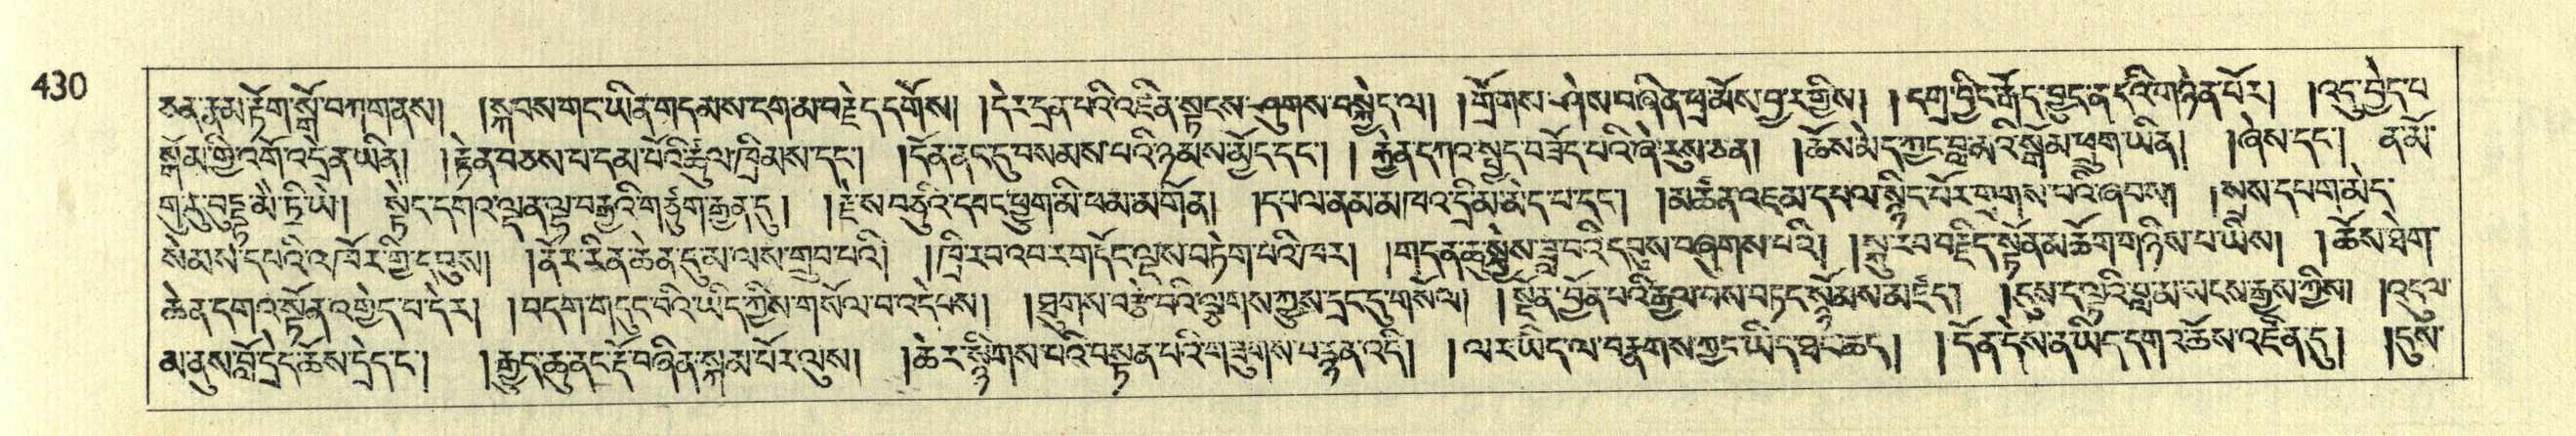ཅན་རྣམ་རྟོག་སྒོ་བཀག་ནས། །སྐབས་གང་ཡིན་གདམས་ངག་མ་བརྗེད་དགོས། །དེར་དྲན་པའི་འཛིན་སྟངས་ཤུགས་བསྐྱེད་ལ། །གྲོགས་ཤེས་བཞིན་ཕྲ་མོས་བྱ་ར་གྱིས། །དགྲ་བྱིང་རྒོད་བྱུང་ན་དའི་གཉེན་པོར། །འདུ་བྱེད་པ་
སྒོམ་གྱི་འགོ་འདྲེན་ཡིན། །རྟེན་བཅས་པ་དམ་པོའི་ཚུལ་ཁྲིམས་དང་། །དོན་ནང་དུ་བསམས་པའི་ཉམས་མྱོང་དང་། །རྐྱེན་དཀའ་སྤྱད་བཟོད་པའི་ཞེ་རུས་ཅན། །ཆོས་མེད་ཀྱང་བླ་མའི་སྒོམ་ཕྲུག་ཡིན། །ཞེས་དང་། ན་མོ་
གུ་རུ་བུདྡྷ་མཻ་ཏར་ཡེ། སྟེང་དགའ་ལྡན་ལྷ་བརྒྱའི་གཙུག་རྒྱན་དུ། །རྗེ་ས་བཅུའི་དབང་ཕྱུག་མི་ཕམ་མགོན། །དཔལ་ནམ་མཁའ་དྲི་མ་མེད་པ་དང་། །མཚན་འཇམ་དཔལ་སྙིང་པོར་གྲགས་པའི་ཞབས། །སྲས་དཔག་མེད་
སེམས་དཔའི་འཁོར་གྱི་དབུས། །ནོར་རིན་ཆེན་དུ་མ་ལས་གྲུབ་པའི། །ཁྲི་རབ་འབར་གདོང་ལྡས་བཏེག་པའི་ཁར། །གདན་ཆུ་སྐྱེས་ཟླ་བའི་དབུས་བཞུགས་པའི། །སྐུ་རབ་བརྗིད་སྟོན་མཆོག་གཉིས་པ་ཡིས། །ཆོས་ཐེག་
ཆེན་དགའ་སྟོན་འགྱེད་པ་དེར། །བདག་གདུང་བའི་ཡིད་ཀྱིས་གསོལ་བ་འདེབས། །ཐུགས་བརྩེ་བའི་ལྕགས་ཀྱུས་དྲང་དུ་གསོལ། །སྔོན་བྱོན་པའི་རྒྱལ་བས་བཏང་སྙོམས་མཛད། །དུས་ད་ལྟའི་བླ་མ་སངས་རྒྱས་ཀྱིས། །འདུལ་
མ་ནུས་བློ་དྲེད་ཆོས་དྲེད་ང་། །རྒྱུད་ཆུ་ནང་རྡོ་བཞིན་སྐམ་པོར་ལུས། །ཆེར་སྙིགས་པའི་བསྟན་པའི་གཟུགས་བརྙན་འདི། །ལར་ཡིད་ལ་བྲངས་ཀྱང་ཡིད་ཐང་ཆད། །དོན་དེས་ན་ཡིད་དགའ་ཆོས་འཛིན་དུ། །དུས་